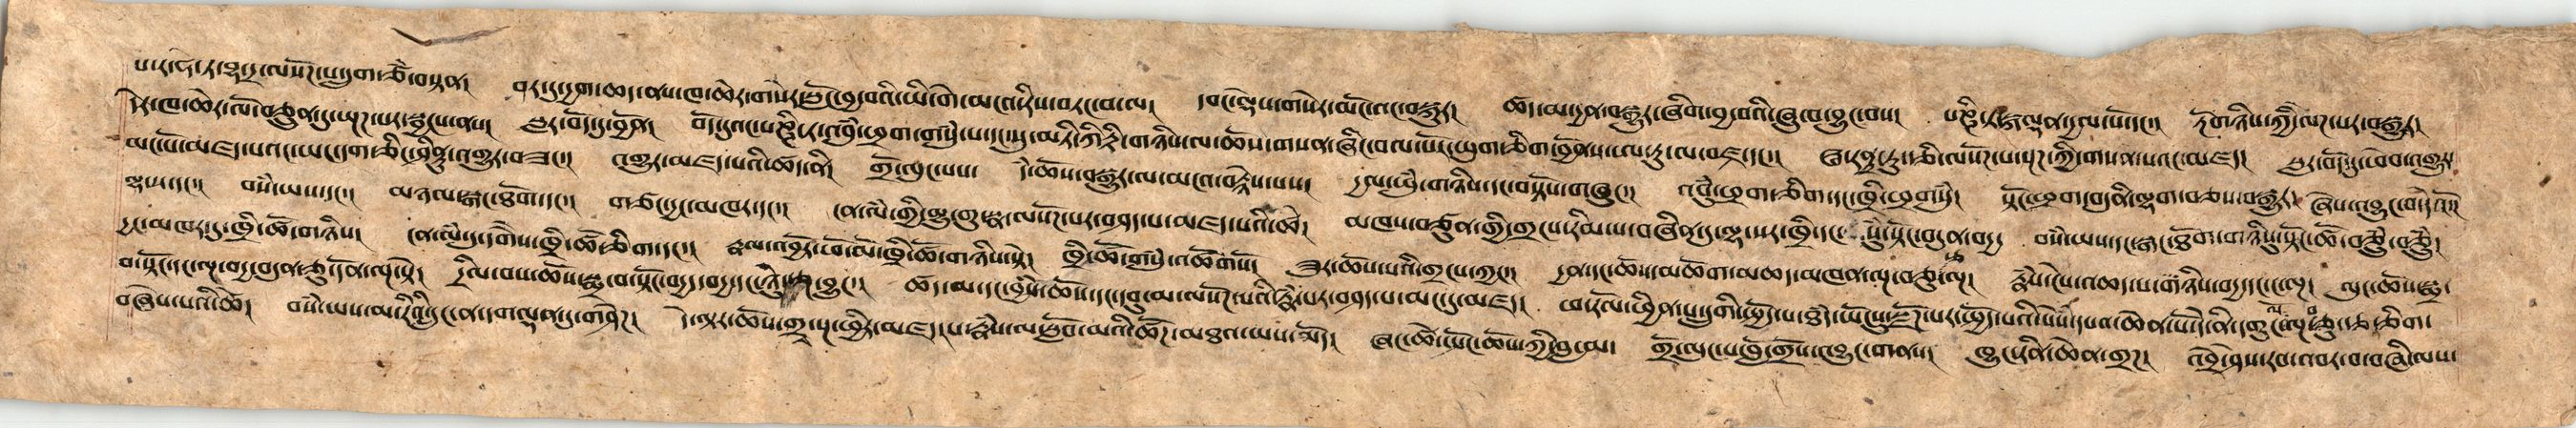པ་ར་ཧི་ཏ་བྷ་དྲ་ལསོཌ་པ་དྲུག་ཙཾ་བསྟན། ཤར་དུ་དྱག་ཆད་ནས་ཁ་ཆེར་གསེར་སློང་བྱ་བའི་ཡི་གེ་མངའ་རིས་སུ་བཏང་བ་ལས། དབང་ལྡེས་གསེར་མངོ་འངབསྐུར། ཚད་མ་དྱན་བསྒྱུར་ཞིག་བྱ་བའི་ཞུ་བ་བྱུང་བས། པཎྜི་ཏ་སྐལྡན་དྱལ་པོ་དང་། རྔོགཉིས་ཀྱི་ལེཌ་པར་བསྒྱུར།
དེར་ཁ་ཆེར་ལོ་བཅྲུན་དུ་སྔཌ་པར་སྦྱངས་ནས། སླར་བོད་དུ་བྱོན། བོད་དུའང་པཎྜི་ཏ་འབུཾ་ཕྲག་གསུཾ་པ་དང་སུ་མ་ཏི་ཀིརྟི་གཉིས་ལ་ཆོས་གསན་ཞིང་བལ་པོར་ཡུག་ཅིག་བྱོནས་ཨ་ཏུ་ལ་བཛྲ་དང་། ཝ་རནྟྲ་རུ་ཅི་ལསོཌ་པ་སྔཌ་ཀྱི་གསན་པའང་མཛད། སླར་བོད་དུ་ཕེབས་འགྱུར་
མང་པོ་མཛད་པའང་ཡང་དག་ཅིང་ཤིནྟུ་འགྱུར་བཟང་། འགྱུར་མཛད་པའི་ཚད་ནི། གྲོ་ལུང་པས། དཾ་ཆོས་བསྒྱུར་ལ་མངའ་བརྙེས་པས། དྱལ་ཡུཾ་གཉིས་དང་བསྟོས་གཞུང་། འབུཾ་ཕྲག་ཅིག་དང་ཁྲི་ཕྲགསུཾ། སྟོང་ཕྲག་བདུནི་ལྷག་བཅས་བསྒྱུར། ཞེས་འབྱུང་བ་དེའོ།
ལྷ་ས་དང་། བསཾ་ཡས་དང་། མཉལ་སྒང་ཐོག་དང་། གཙང་དྱང་མཁར་དང་། ངན་ལཾ་གྱི་མྱུ་གུ་སྣ་ལསོཌ་པར་བཤད་པ་མཛད་པའི་ཚེ། མཁས་བཙུན་གྱི་གྲངས་རིམ་པ་བཞིན་དུ་ལྷ་སར་ཁྲི་དང་སུཾ་སྟོང་བདུན་བདྱ་ བསཾ་ཡས་དང་སྒང་ཐོག་གཉིསུ་སྟོང་ཚོ་བཅྲུཾ་བཅྲུཾ།
དྱང་མཁར་དུ་ཁྲི་ཚོ་གཉིས། ངན་ལཾ་དུ་དགཻས་ཁྲི་ཚོ་ཅིག་དང་། རྣལ་འབྱོར་ཕོ་མོ་ཁྲི་ཚོ་གཉིས་སྟེ། ཁྲི་ཚོ་གསུཾ་འཚོགསོ། ཟུར་ཆོས་པའི་གྲངས་ཀྱང་། དྱན་དང་ཆོས་མཆོག་འཆད་མཁན་ལྔ་བཅུ་ལྔ། རྣཾས་ངེས་འཆད་པ་གཉིས་བདྱ་ང་ལྔ། ལུང་ཆོས་སྨྲ་
བ་སྟོང་དང་ལྔ་བདྱ་བདུན་ཅུ་དོན་ལྔ་སྟེ། དྲིལ་བས་ཆོས་སྨྲ་བ་སྟོང་བརྒྱད་བདྱ་བདྱ་དང་ཉིུ་རྩ་ལྔ་བྱུང་། ཚད་མ་དང་བྱཾས་ཆོས་དང་དབུ་མ་ལསོགས་པའི་རྣཾ་པར་བཤད་པ་མང་དུ་མཛད། ཕ་རོལ་ཏུ་ཕྱིན་པ་དྲུགི་སྤྱོད་པ་ཐཾད་ཡོངསུ་སྫོཌ་པར་སྤྱོད་པའི་སེཾས་དཔའ་ཆེན་པོ་དེ་ནི་དགུང་ལོ་ལྔ་བཅུ་རྩ་གཅིག་
བཞེས་པའི་ཚེ། བསཾ་ཡས་མ་རིནི་དྲུང་ན་དགལྡན་དུ་གཤེཌ། དེ་ལྟར་ཆོས་གྲྭ་སྔ་ཕྱིར་མཛད་པ་རྣཾས་ལ་སློབ་མའི་ཚོཌ་མཐའ་ཡས་མོད། ཞང་ཚེ་སྤོང་ཆོས་ཀྱི་བླ་མ་ གྲོ་ལུང་པ་བློ་གྲོས་འབྱུང་གནས། ཁྱུང་རིན་ཆེན་གྲཌ། འབྲེ་ཤེས་རབ་འབར་བ་བཞི་ལས་